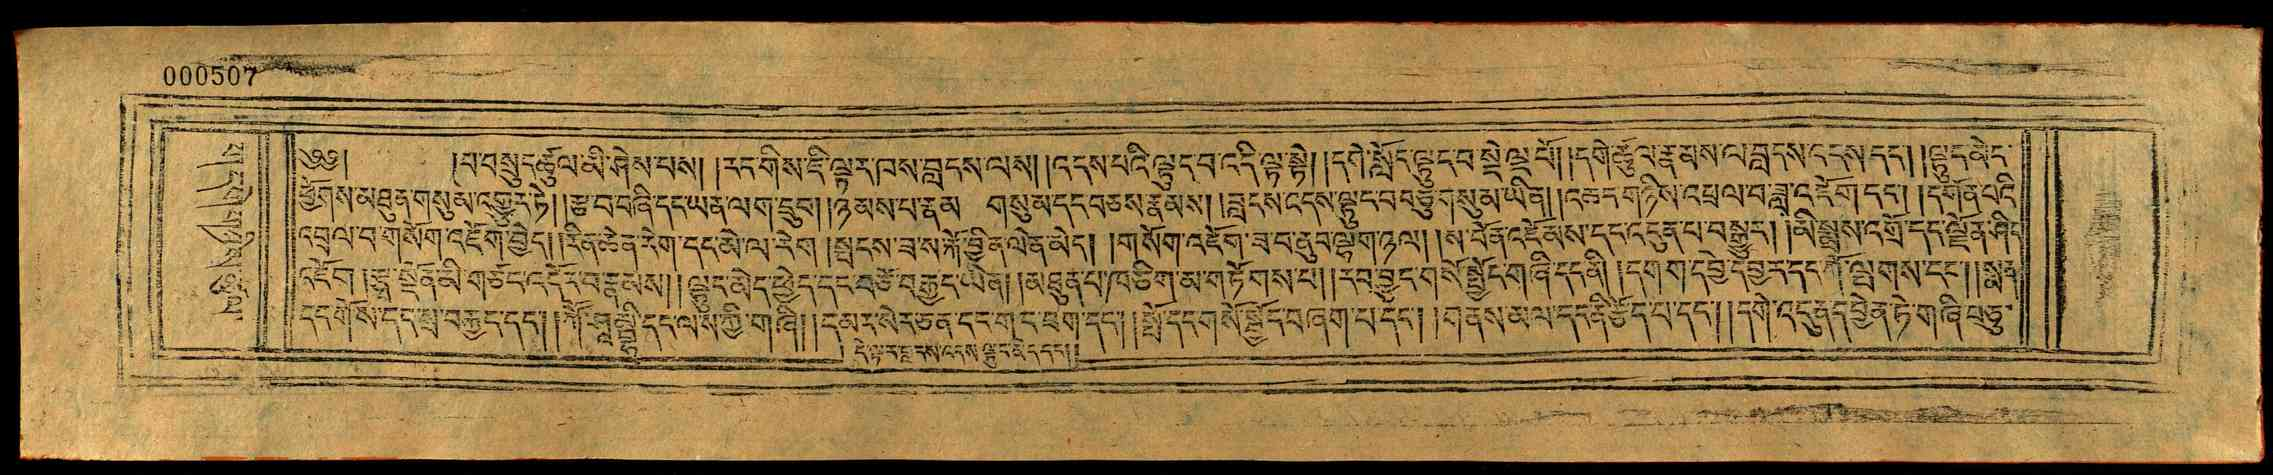༄༅། །པ་བསྲུང་ཚུལ་མི་ཤེས་པས། །རང་གིས་ཇི་ལྟར་ཁས་བླངས་ལས། །འདས་པའི་ལྟུང་བ་འདི་ལྟ་སྟེ། །དགེ་སློང་ལྟུང་བ་སྡེ་ལྔ་པོ། །དགེ་ཚུལ་རྣམས་ལ་བླངས་འདས་དང་། །ལྷུང་མེད་
ཕྱོགས་མཐུན་གསུམ་འགྱུར་ཏེ། །རྩ་བ་བཞི་དང་ཡན་ལག་དྲུག །ཉམས་པ་རྣམས་གསུམ་དང་བཅས་རྣམས། །བླངས་འདས་ལྟུང་བ་བཅུ་གསུམ་ཡིན། །འཆང་གཉིས་འབྲལ་བ་ཟླ་འཇོག་དང་། །དགོན་པའི་
འབྲལ་བ་གསོག་འཇོག་བྱེད། །རིན་ཆེན་རག་དང་མེ་ལ་རེག །སྤངས་ཟས་རྐོ་བྱིན་ལེན་མེད། །གསོག་འཇོག་ཟ་བ་ནུབ་ལྷག་ཉལ། །ས་བོན་འཇོམས་དང་འདུན་པ་བསྒྱུར། །མི་སྨྲས་འགྲོ་དང་ལྗོན་ཤིང་
འཛེག །རྩྭ་སྔོན་མི་གཙང་འདོར་བ་རྣམས། །ལྟུང་མེད་ཕྱེད་དང་བཅོ་བརྒྱད་ཡིན། །མཐུན་པ་ཁ་ཅིག་མ་གཏོགས་པ། །རབ་བྱུང་གསོ་སྦྱོང་གཞི་དང་ནི། །དགག་དབྱེ་དབྱར་དང་ཀོ་ལྤགས་དང་། །སྨན་
དང་གོས་དང་སྲས་བརྐྱང་དང་། །ཀཽ་ཤཱམྦྷ་དང་ལས་ཀྱི་གཞི། །དམར་སེར་ཅན་དང་གང་ཟག་དང་། །སྤོ་དང་གསོ་སྦྱོང་བཞག་པ་དང་། །གནས་མལ་དང་ནི་རྩད་པ་དང་། །དགེ་འདུན་དབྱེན་ཏེ་གཞི་བཅུ་
?་དེ་ལྟར་བླངས་འདས་ལྟུང་མེད་དང།།